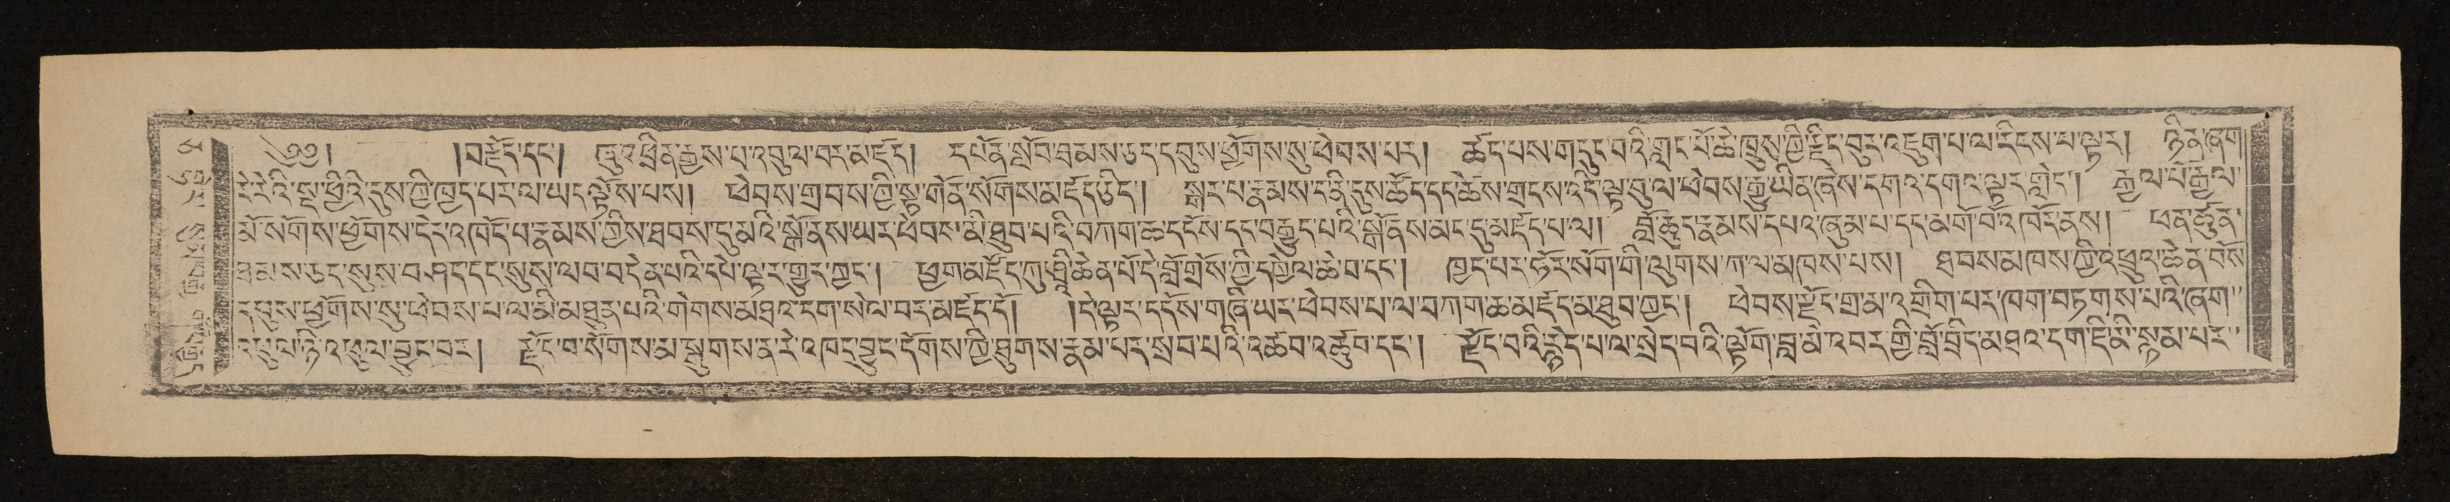༄༅། །བརྗོད་དང་། ཞུ་འཕྲིན་རྒྱས་པ་འབུལ་བར་མཛད། དཔོན་སློབ་ཐམས་ཅད་དབུས་ཕྱོགས་སུ་ཕེབས་པར། ཚད་པས་གདུང་བའི་གླང་པོ་ཆེ་ཁྲུས་ཀྱི་རྫིང་བུར་འཇུག་པ་ལ་རིངས་པ་ལྟར། ཉིན་ཞག་
རེ་རེའི་སྔ་ཕྱིའི་དུས་ཀྱི་ཁྱད་པར་ལ་ཡང་ལྟོས་པས། ཕེབས་གྲབས་ཀྱི་སྟ་གོན་སོགས་མཛད་ཅིང་། སྒར་པ་རྣམས་ད་ནི་དུས་ཚོད་དང་ཚེས་གྲངས་འདི་ལྟ་བུ་ལ་ཕེབས་རྒྱུ་ཡིན་ཞེས་དགའ་དགའ་ལྟར་གླེང་། རྒྱལ་པོ་རྒྱལ་
མོ་སོགས་ཕྱོགས་དེར་འཁོད་པ་རྣམས་ཀྱིས་ཐབས་དུ་མའི་སྒོ་ནས་ཡར་ཕེབས་མི་ཐུབ་པའི་བཀག་ཆ་དངོས་དང་བརྒྱུད་པའི་སྒོ་ནས་མང་དུ་མཛད་པ་ལ། བློ་ཆུང་རྣམས་དཔའ་ཞུམ་པ་དང་མགོ་བོ་འཁོར་ནས། ཕན་ཚུན་
ཐམས་ཅད་སུས་བཤད་དང་སུས་ལབ་བདེན་པའི་དཔེ་ལྟར་གྱུར་ཀྱང་། ཕྱག་མཛོད་ཀུ་ཤྲཱི་ཆེན་པོ་དེ་བློ་གྲོས་ཀྱི་དཀྱིལ་ཆེ་བ་དང་། ཁྱད་པར་ཧོར་སོག་གི་ལུགས་ཀ་ལ་མཁས་པས། ཐབས་མཁས་ཀྱི་འཕྲུལ་ཆེན་པོས་
དབུས་ཕྱོགས་སུ་ཕེབས་པ་ལ་མི་མཐུན་པའི་གེགས་མཐའ་དག་སེལ་བར་མཛད་དོ། །དེ་ལྟར་དངོས་གཞི་ཡར་ཕེབས་པ་ལ་བཀག་ཆ་མཛད་མ་ཐུབ་ཀྱང་། ཕེབས་རྫོང་གྲམ་འགྲིག་པར་ཁག་བཏགས་པའི་ཞག་
འཕུལ་ཉི་འཕུལ་བྱུང་བར། རྫོང་བ་སོགས་མ་སྒུགས་ན་རེ་འཁང་བྱུང་དོགས་ཀྱི་ཐུགས་རྣམ་པར་སྲབ་པའི་འཚབ་འཚུབ་དང་། རྫོང་བའི་རྙེད་པ་ལ་སྲེད་པའི་ལྟོས་བླ་མེ་འབར་གྱི་བློ་བྲིད་མཐའ་དག་ཇི་མི་སྙམ་པར་